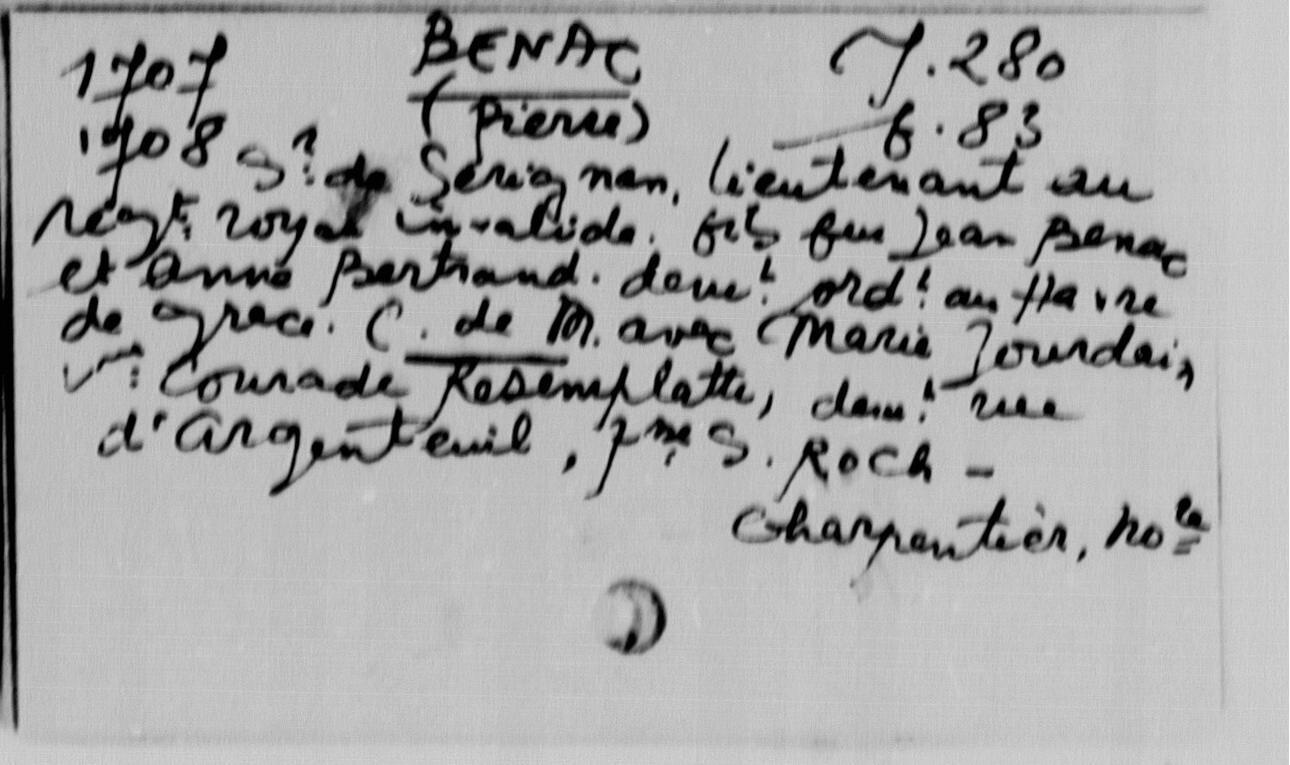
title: BENAC (Pierre)
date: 1707-1708
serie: Y
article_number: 280
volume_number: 83
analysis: Seigneur de Serignan, lieutenant au régiment royal invalide, fils feu Jean Benac et Anne Bertrand demeurant ordinairement au Havre de Grace. Contrat de mariage avec Marie Jourdain veuve Conrade Resemplatte, demeurant rue d'Argenteuil, paroisse Saint Roch. Charpentier, notaire.
